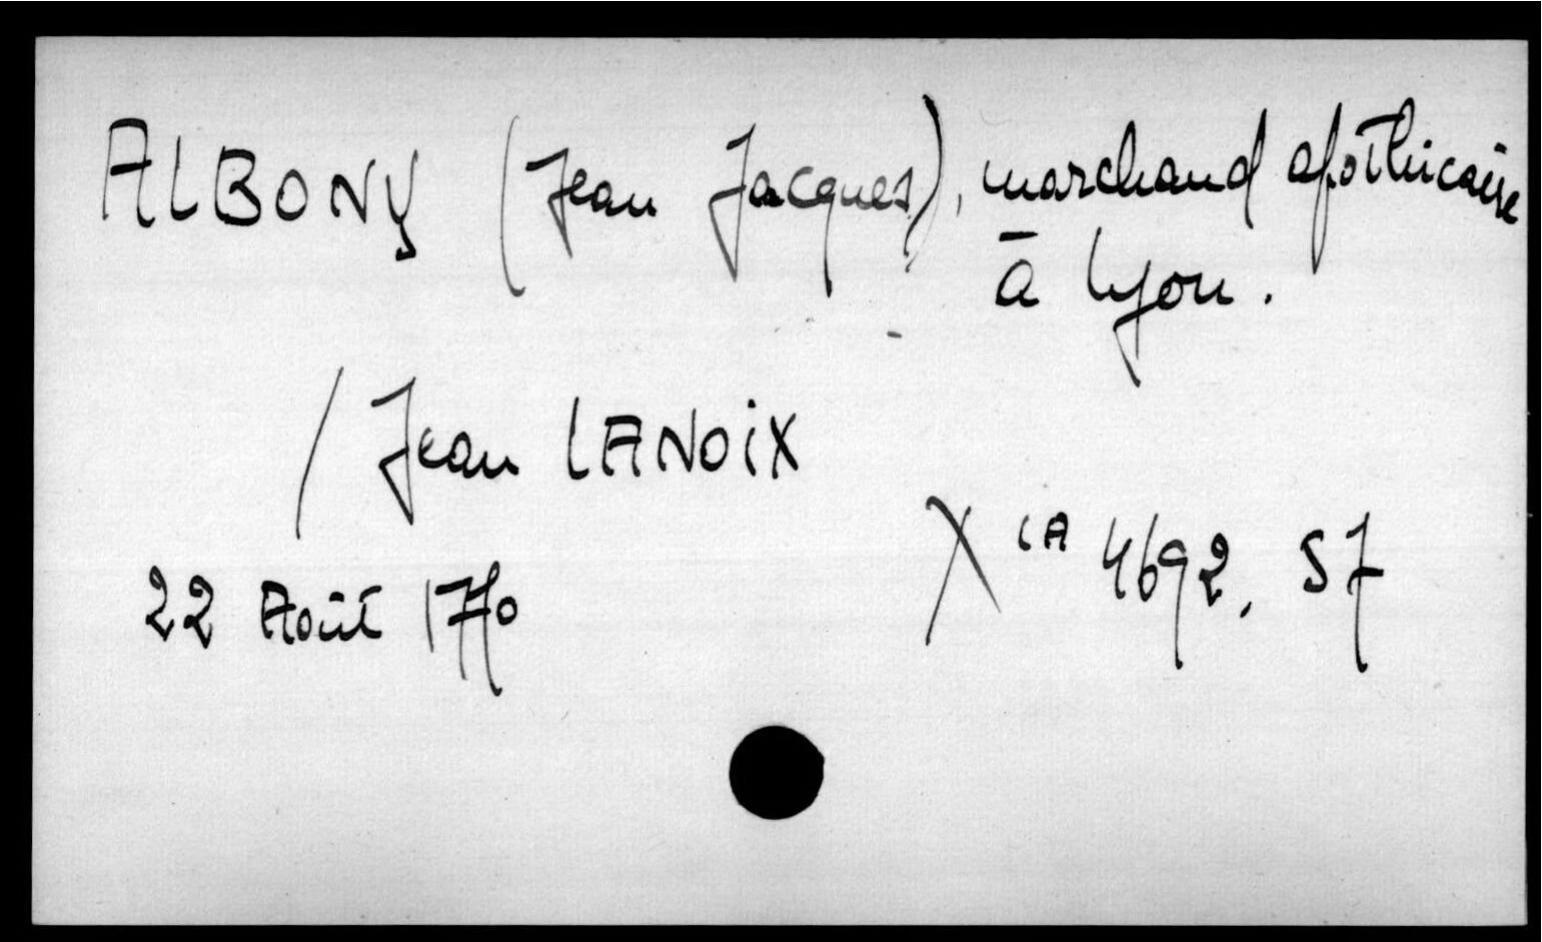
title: ALBONY (Jean Jacques), marchand apothicaire à Lyon.
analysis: Contre Jean LANOIX
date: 22 août 1770
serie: X1A
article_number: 4692
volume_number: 57
